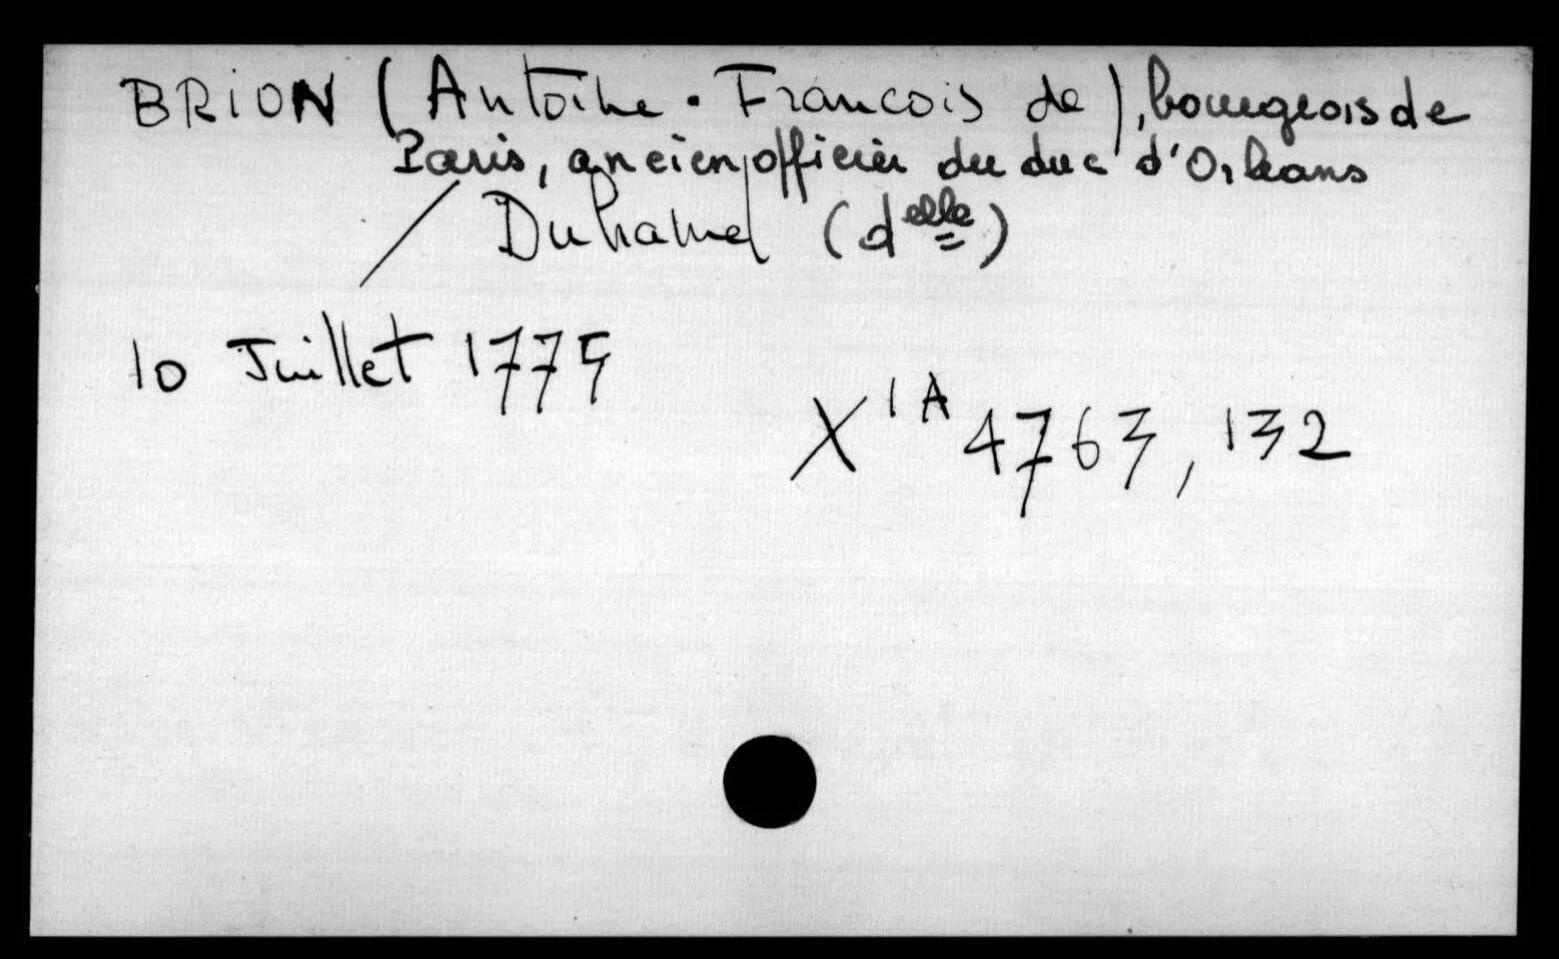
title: BRION (Antoine-François de), bourgeois de Paris, ancien officier du duc d'Orléans
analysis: contre Duhamel (demoiselle)
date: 10 juillet 1775
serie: X1A
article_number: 4763
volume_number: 132
